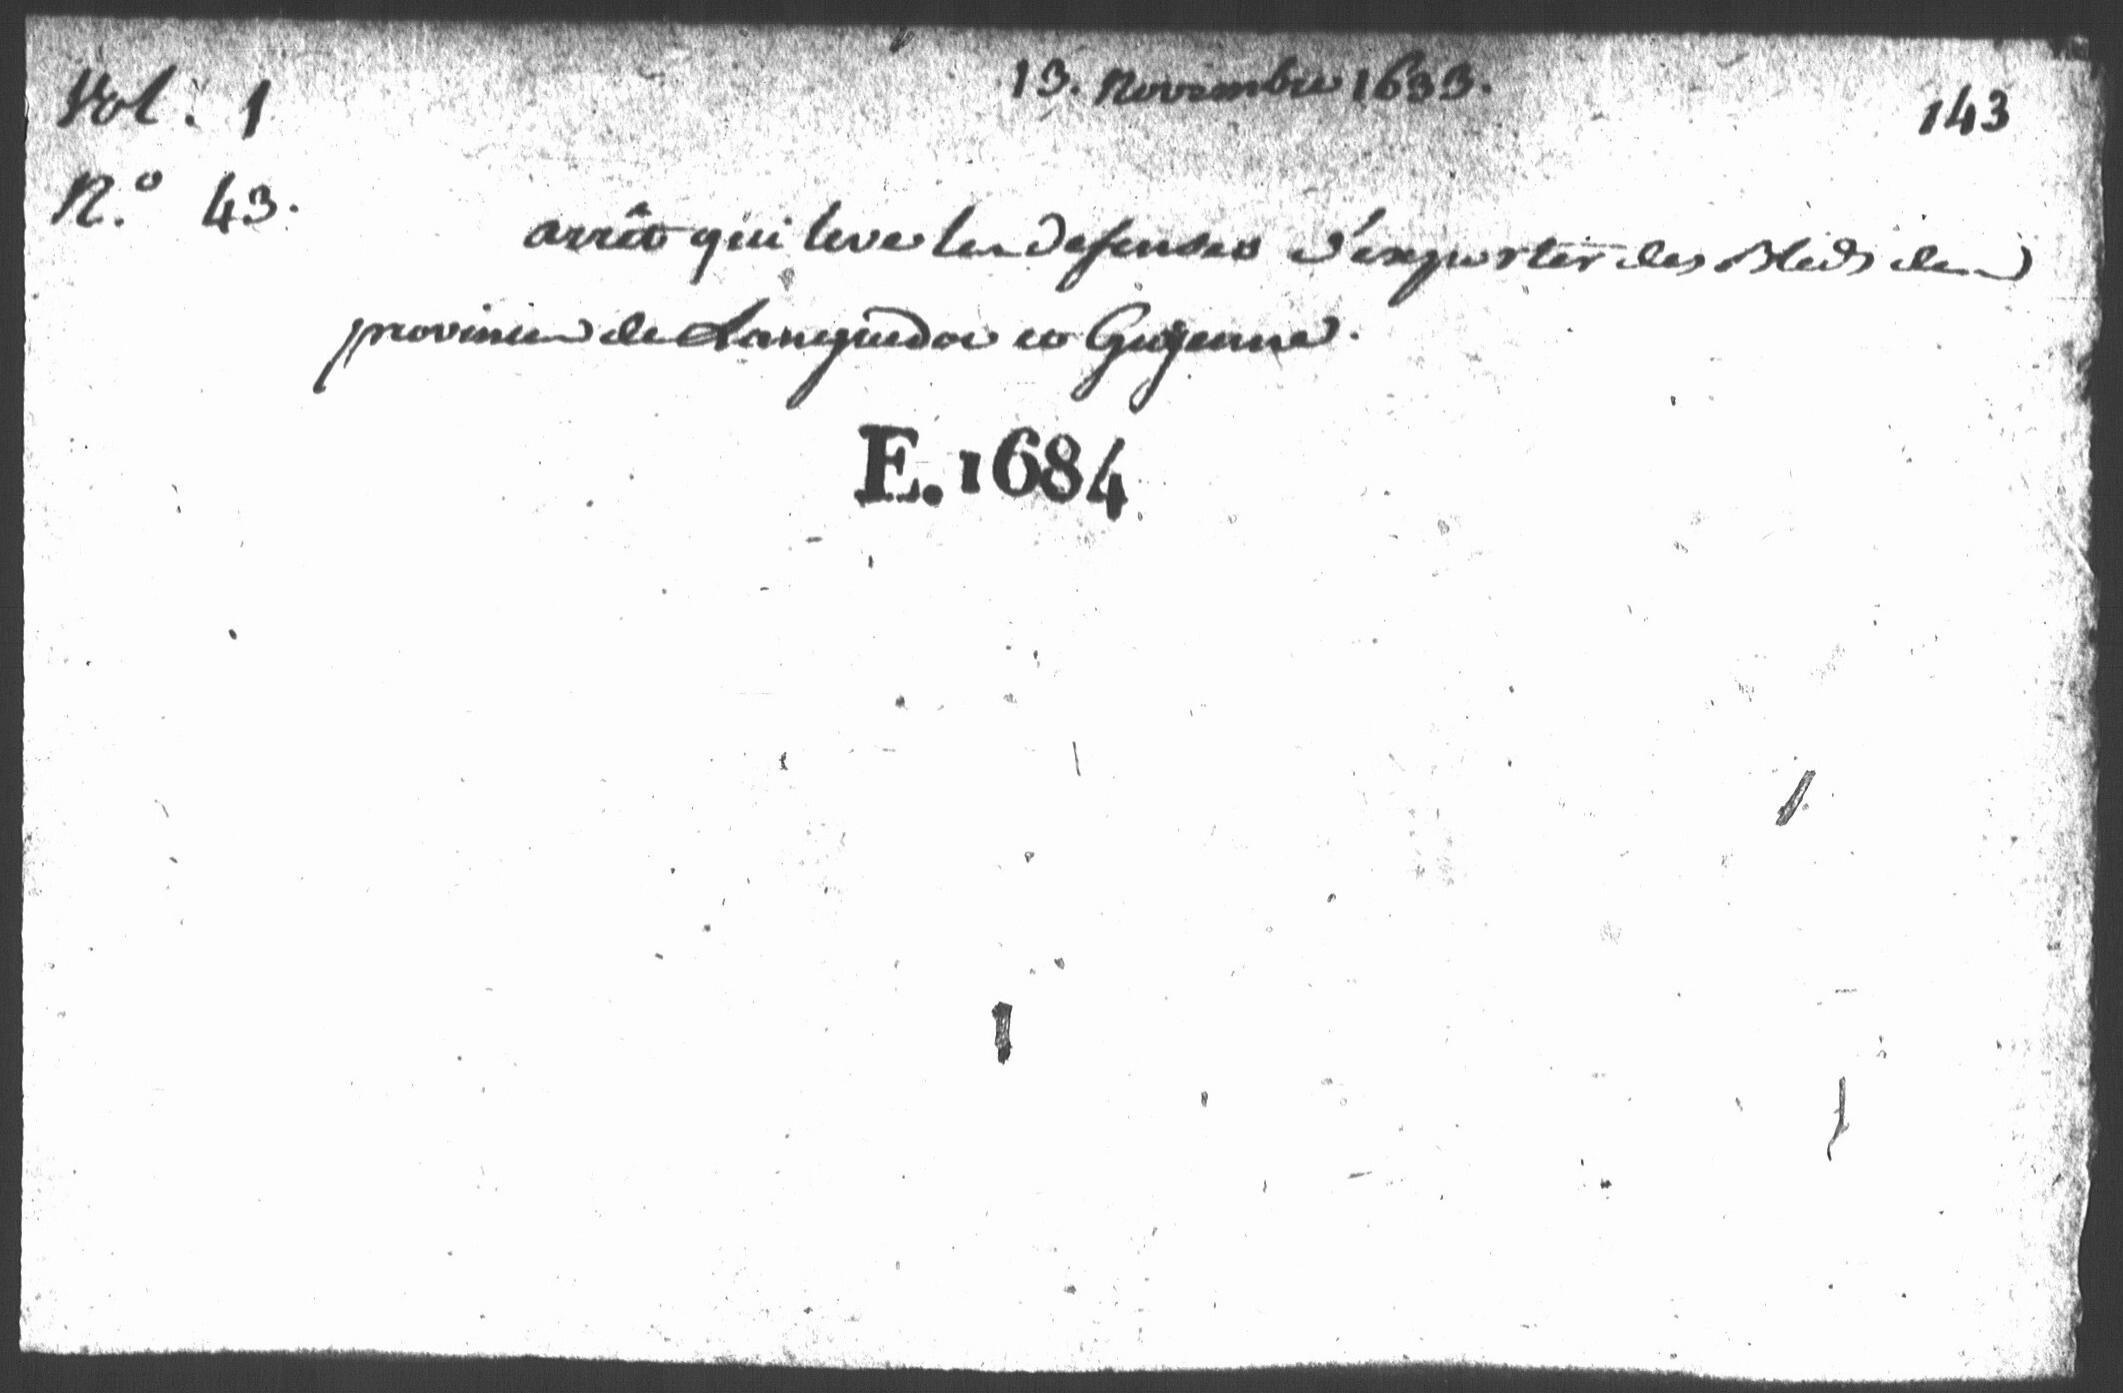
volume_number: n°43
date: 13 novembre 1633
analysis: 143
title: arrêt qui leve les defenses d'exporter des bleds des provinces de Languedoc et Guyenne
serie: E
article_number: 1684
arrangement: vol. 1
